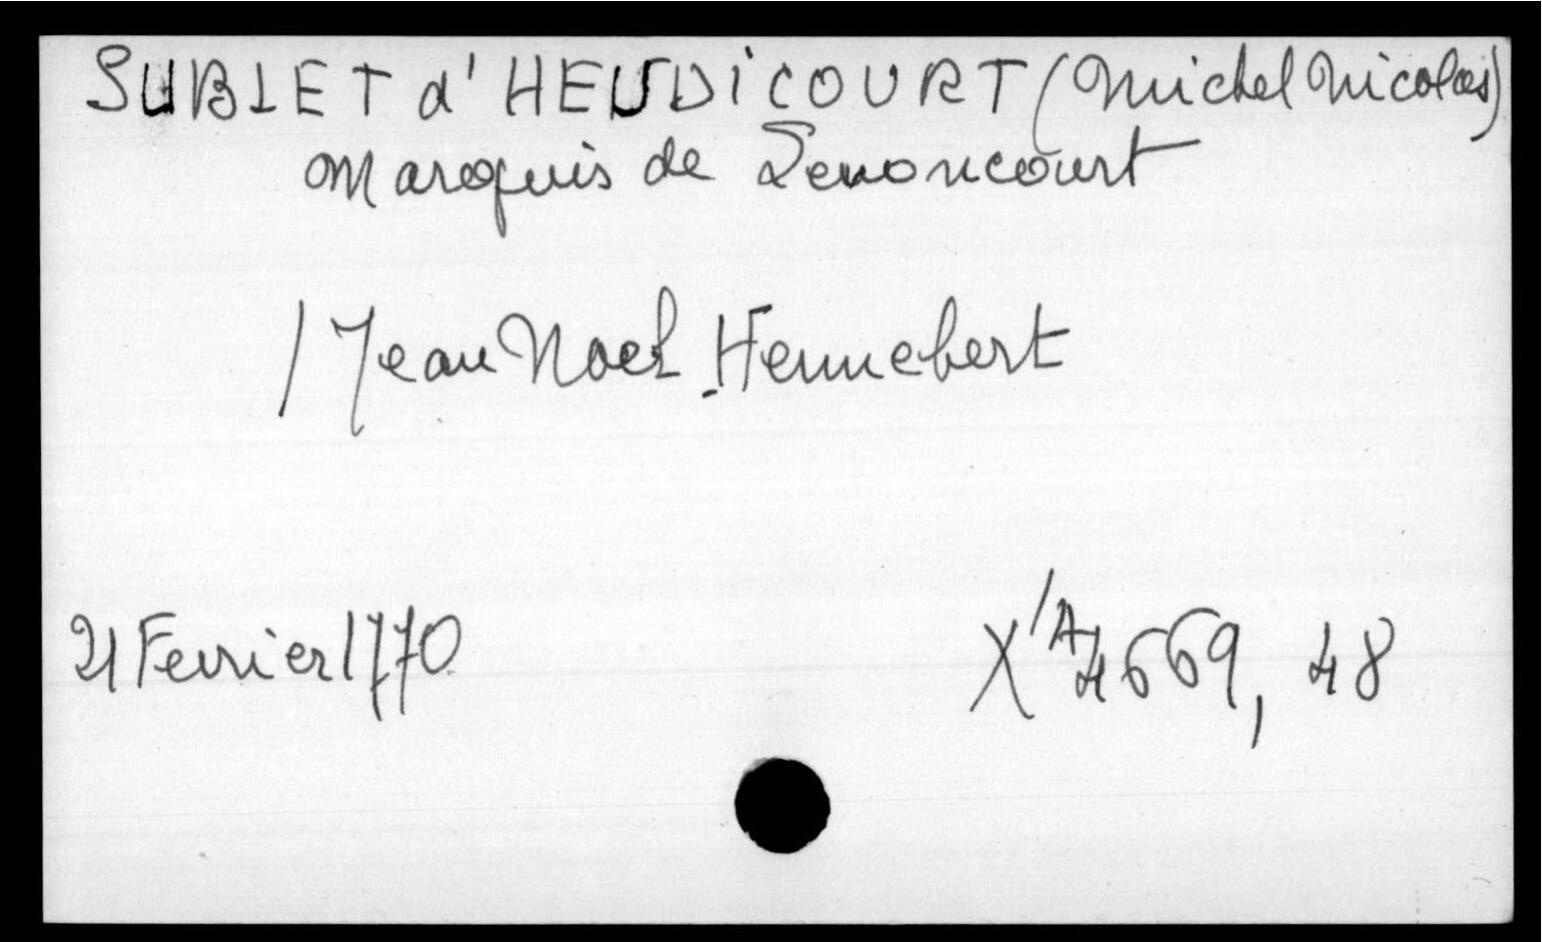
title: SUBLET d'HEUDICOURT (Michel Nicolas) marquis de Lenoncourt
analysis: Contre Jean Noel Hennebert
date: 21 février 1770
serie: X1A
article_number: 4669
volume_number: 48
